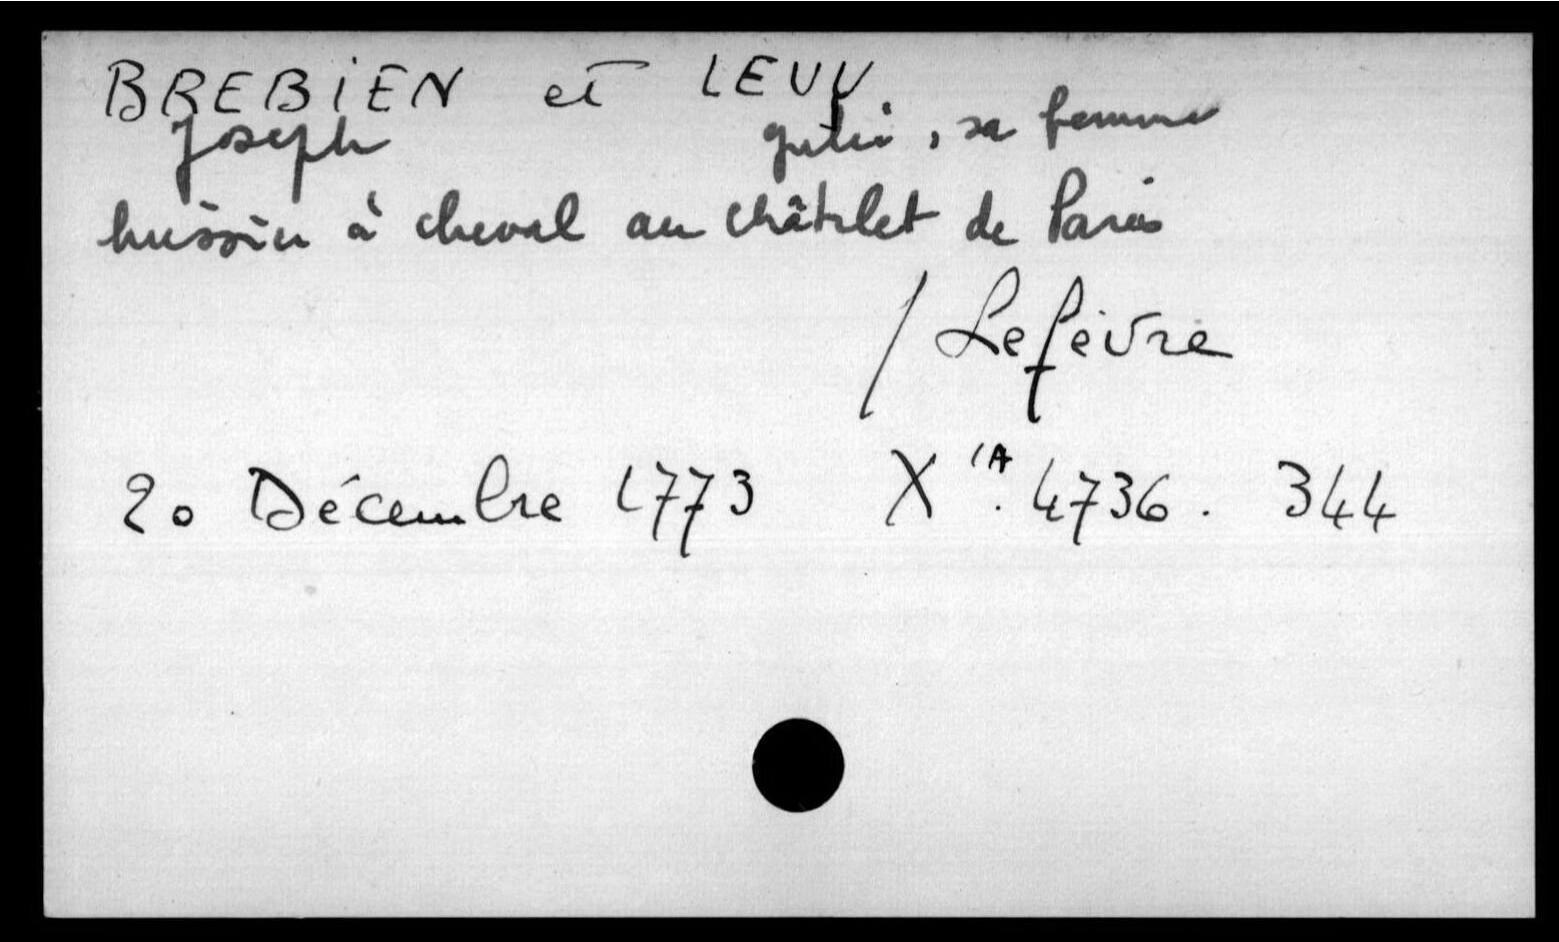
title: BREBIEN Joseph et LEVU Gili, sa femme huissier à cheval au Châtelet de Paris
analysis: Contre Lefèvre
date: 20 décembre 1773
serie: X1A
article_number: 4736
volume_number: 344
